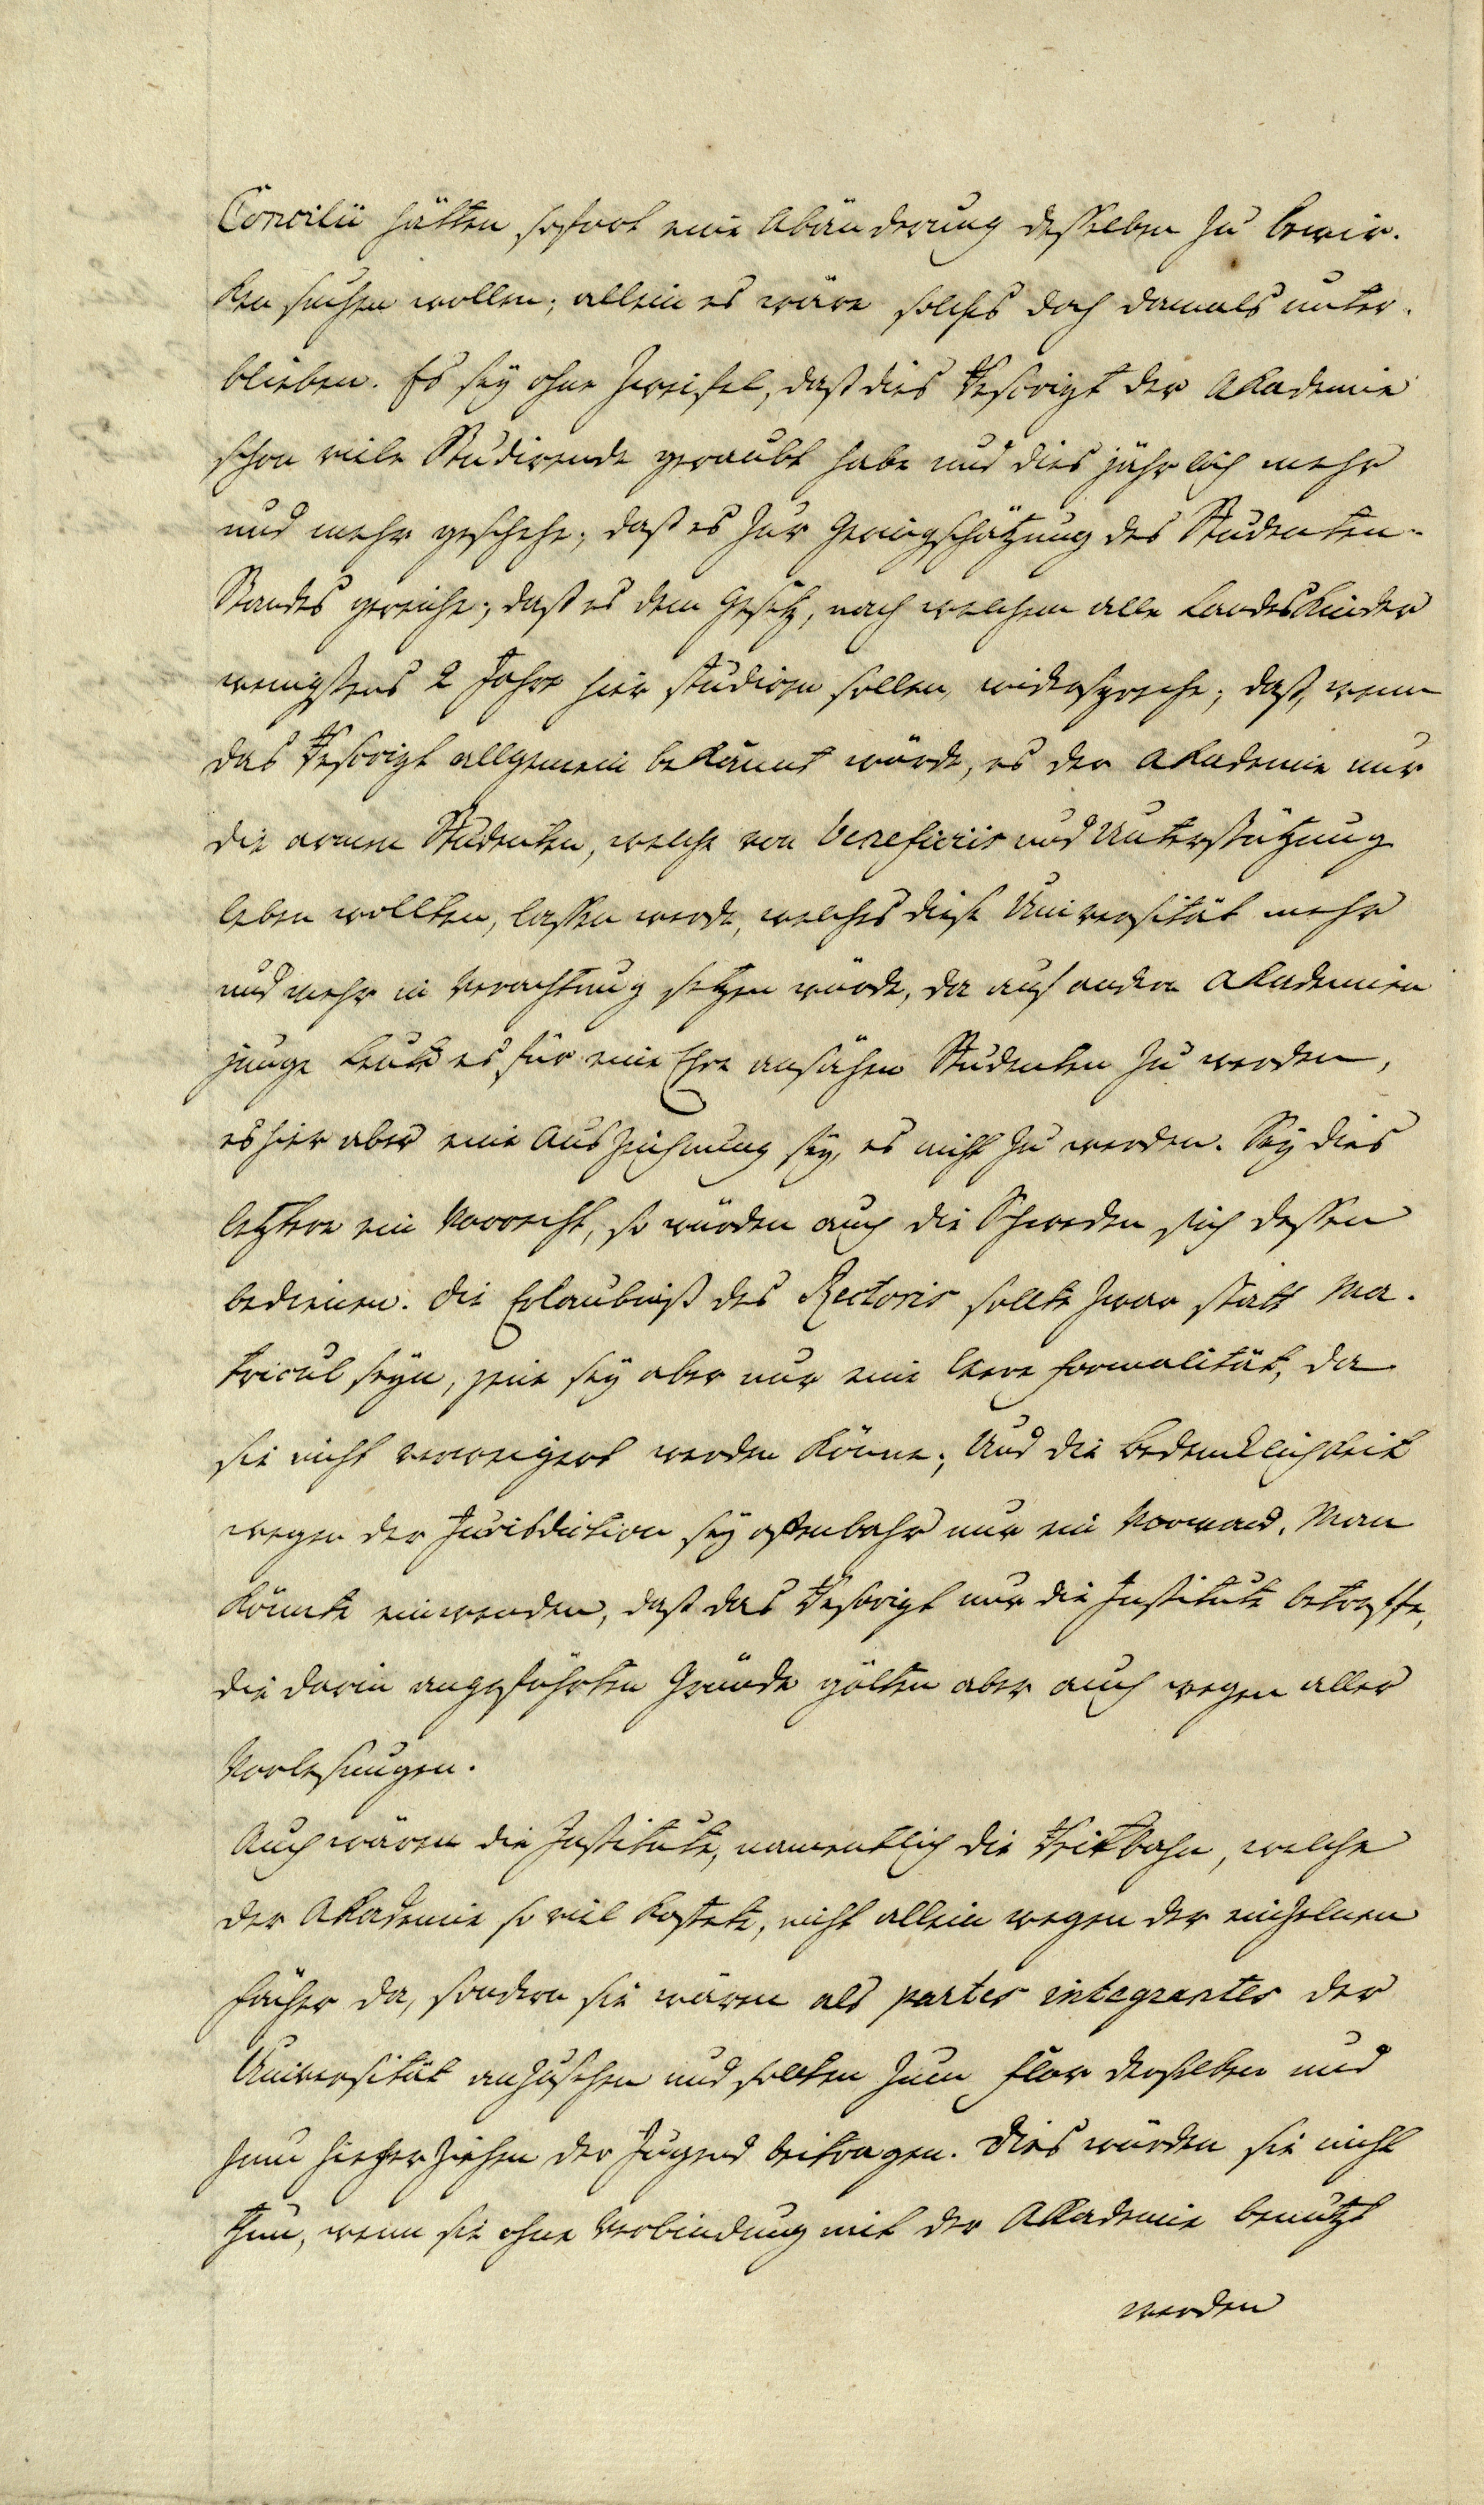Concilii hätten sofort eine Abänderung desselben zu bewir¬
ken suchen wollen; allein es wäre solches doch damals unter¬
blieben. Es seÿ ohne Zweifel, daß dies Rescript der Akademie
schon viele Studirende geraubt habe und dies jährlich mehr
und mehr geschehe; daß es zur Geringschätzung des Studenten-
Standes gereiche; daß es dem Gesetz, nach welchem alle Landeskinder
wenigstens 2 Jahre hier studiren sollen, widerspreche, daß, wenn
das Rescript allgemein bekannt würde, es der Akademie nur
die armen Studenten, welche von beneficiis und Unterstützung
leben wollten, lassen werde, welches diese Universität mehr
und mehr in Verachtung setzen würde, da auf andern Akademien
junge Leute es für eine Ehre ansehen Studenten zu werden,
es hier aber eine Auszeichnung seÿ, es nicht zu werden. Seÿ dies
letztere ein Vorrecht, so würden auch die Schweden sich dessen
bedienen. Die Erlaubniß des Rectoris sollte zwar statt Ma¬
tricul seÿn, jene seÿ aber nur eine eine Formalität, da
sie nicht verweigert werden könne; Und die Bedencklichkeit
wegen der Jurisdiction seÿ offenbahr nur ein Vorwand, Man
könnte einwenden, daß das Rescript nur die Institute betreffe,
die darin angeführten Gründe gälten aber auch wegen aller
Vorlesungen.
Auch wären die Institute, namentlich die Reitbahn, welche
der Akademie so viel kostete, nicht allein wegen der einzelnen
Fächer da, sondern sie wären als partes integrantes der
Universität anzusehen und sollten zum Flor derselben und
zum hieher Ziehen der Jugend beitragen. Dies würden sie nicht
thun, wenn sie ohne Verbindung mit der Akademie benutzt
werden